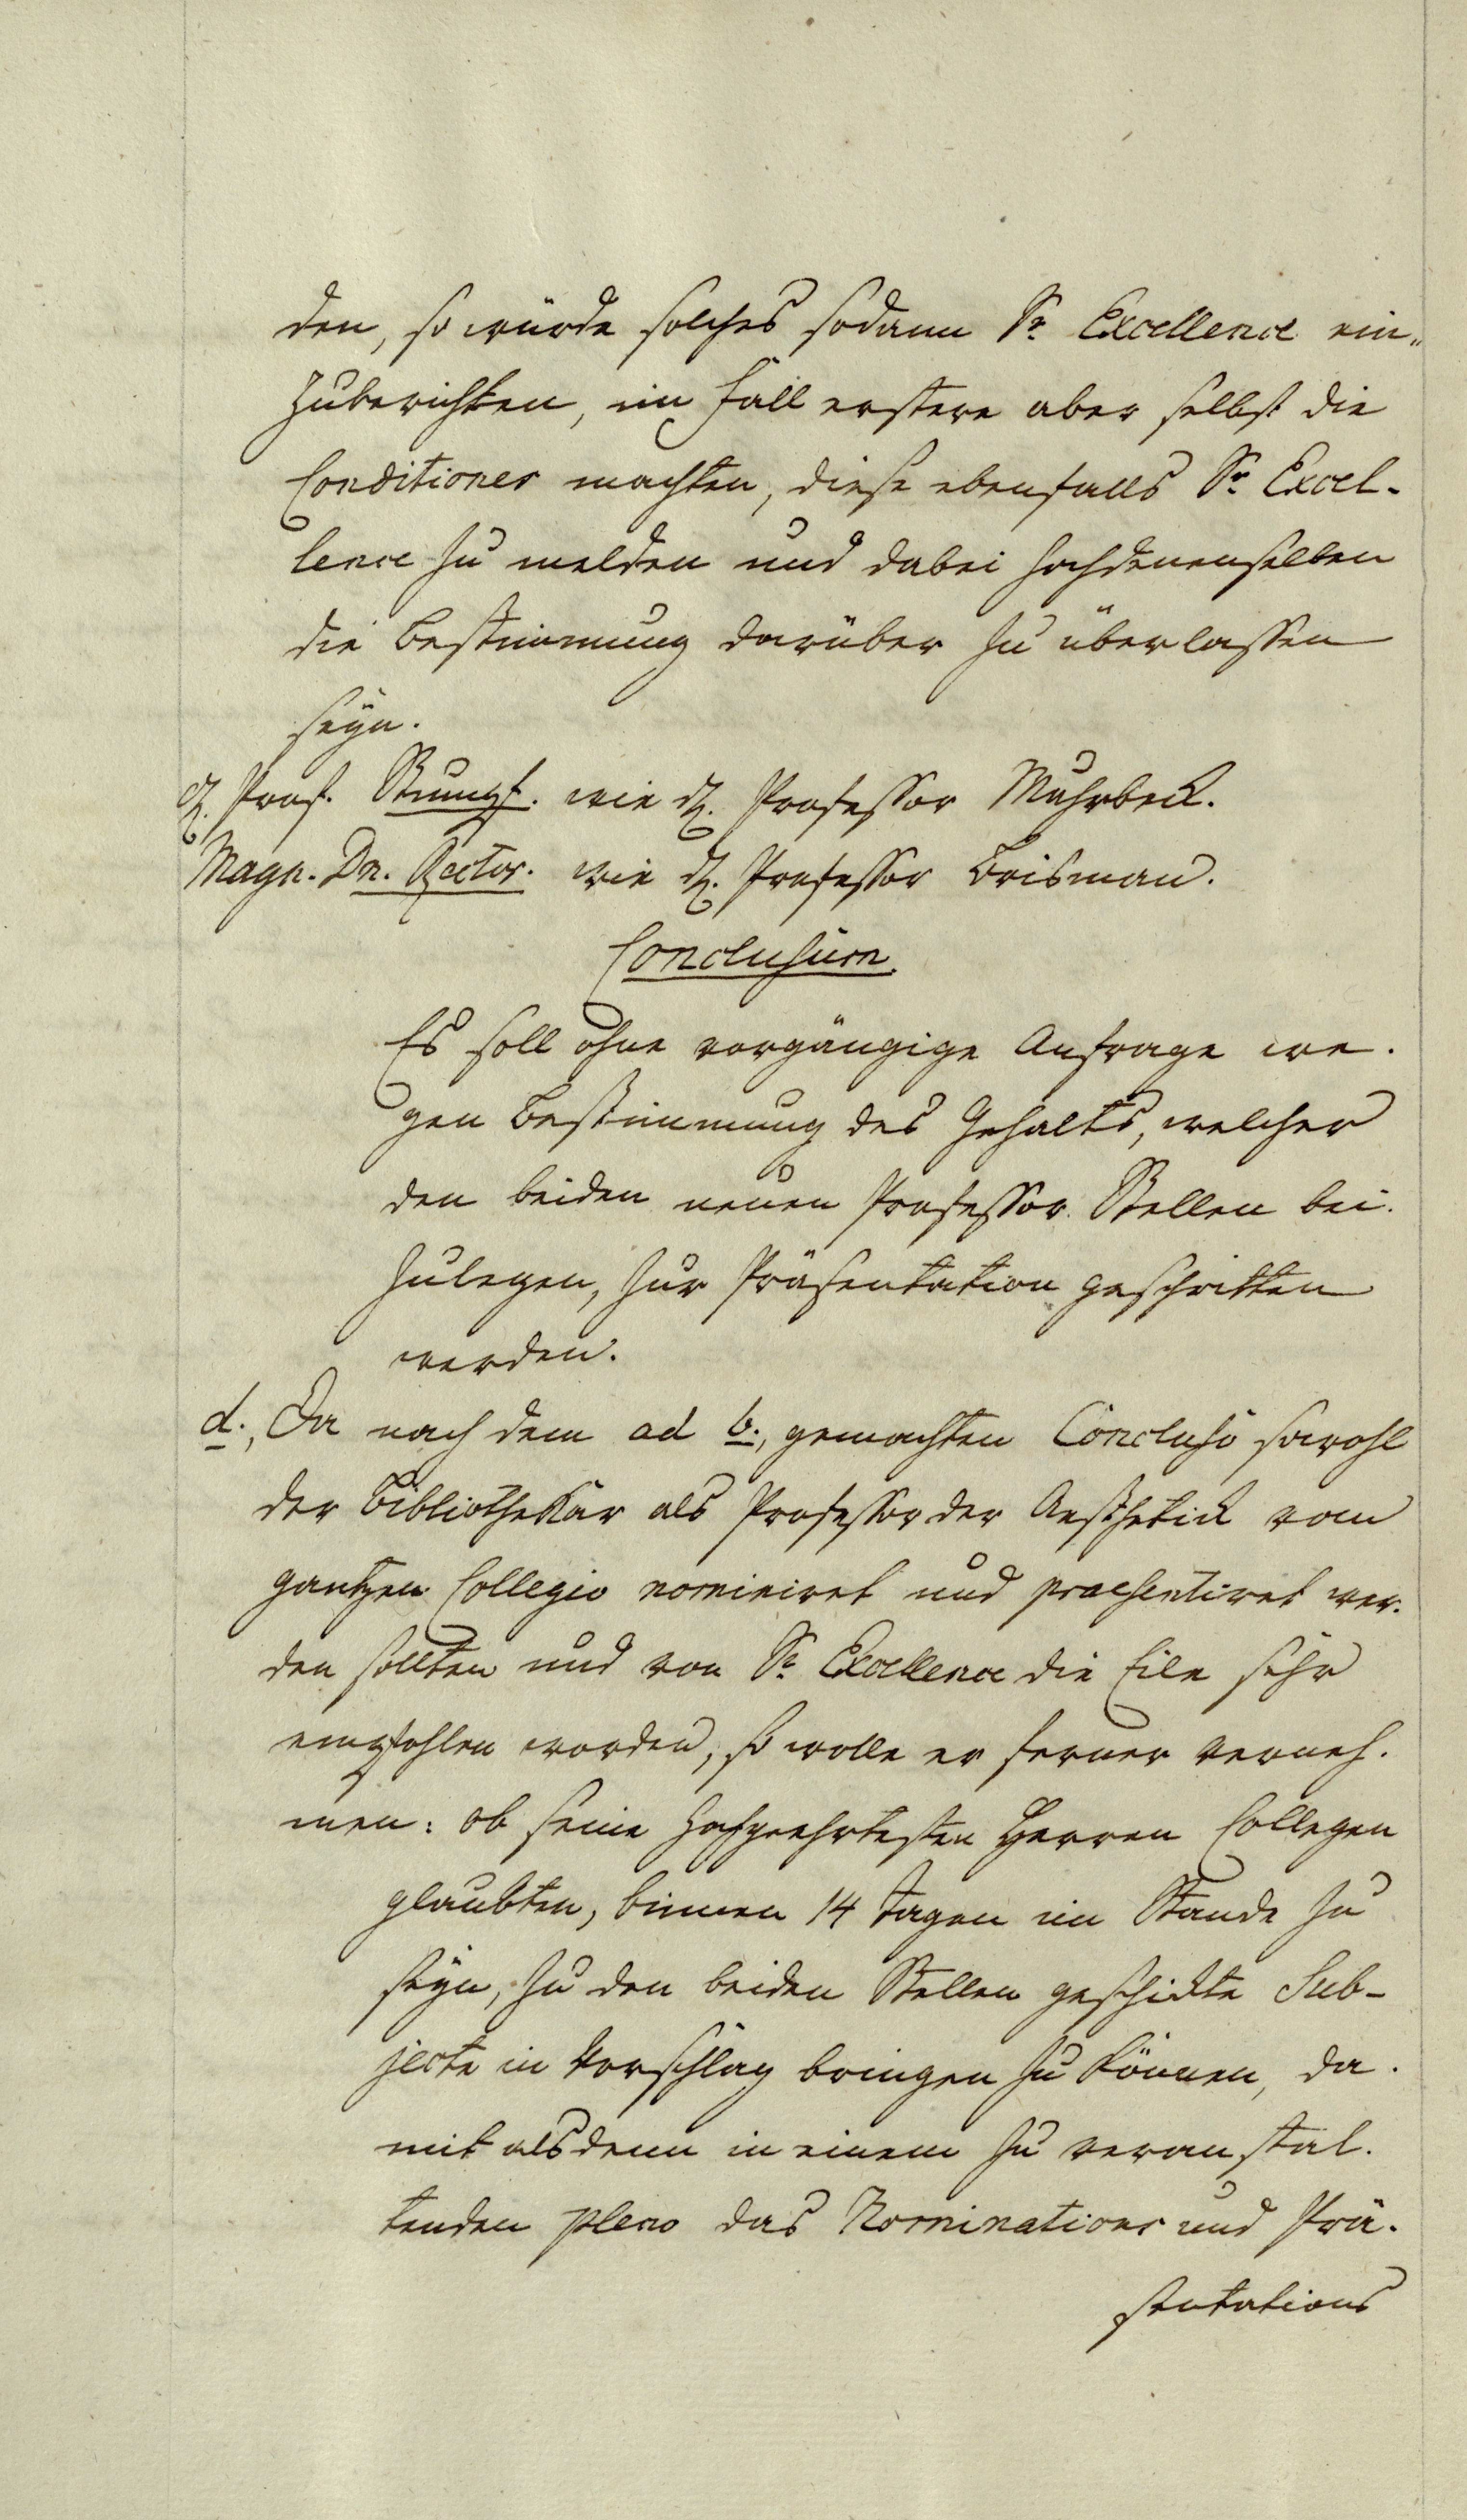den, so würde solches sodann Sr. Excellence ein¬
zuberichten, im Fall erstere aber selbst die
Conditiones machten, diese ebenfalls Sr. Excel¬
lence zu melden und dabei hochdenenselben
die Bestimmung darüber zu überlassen
seÿn.
dh. Prof. Stumpf. wie dh. Professor Muhrbeck.
Magn. Dn. Rector. wie dh. Professor Brismann.
Conclusum.
Es soll ohne vorgängige Anfrage we¬
gen Bestimmung des Gehalts, welcher
den beiden neuen Professor Stellen bei¬
zulegen, zur Präsentation geschritten
werden.
d; Da nach dem ad b. gemachten Concluso sowohl
der Bibliothekar als Professor der Aesthetick vom
gantzen Collegio nominiret und praesentiret wer¬
den sollten und von Sr. Excellence die Eile sehr
empfohlen worden, so wolle er ferner verneh¬
men: ob seine Hochgeehrtesten Herren Collegen
glaubten, binnen 14 Tagen im Stande zu
seÿn, zu den beiden Stellen geschickte Sub¬
jecte in Vorschlag bringen zu können, da¬
mit alsdann in einem zu veranstal¬
tenden pleno das Nominations und Prä¬
sentations